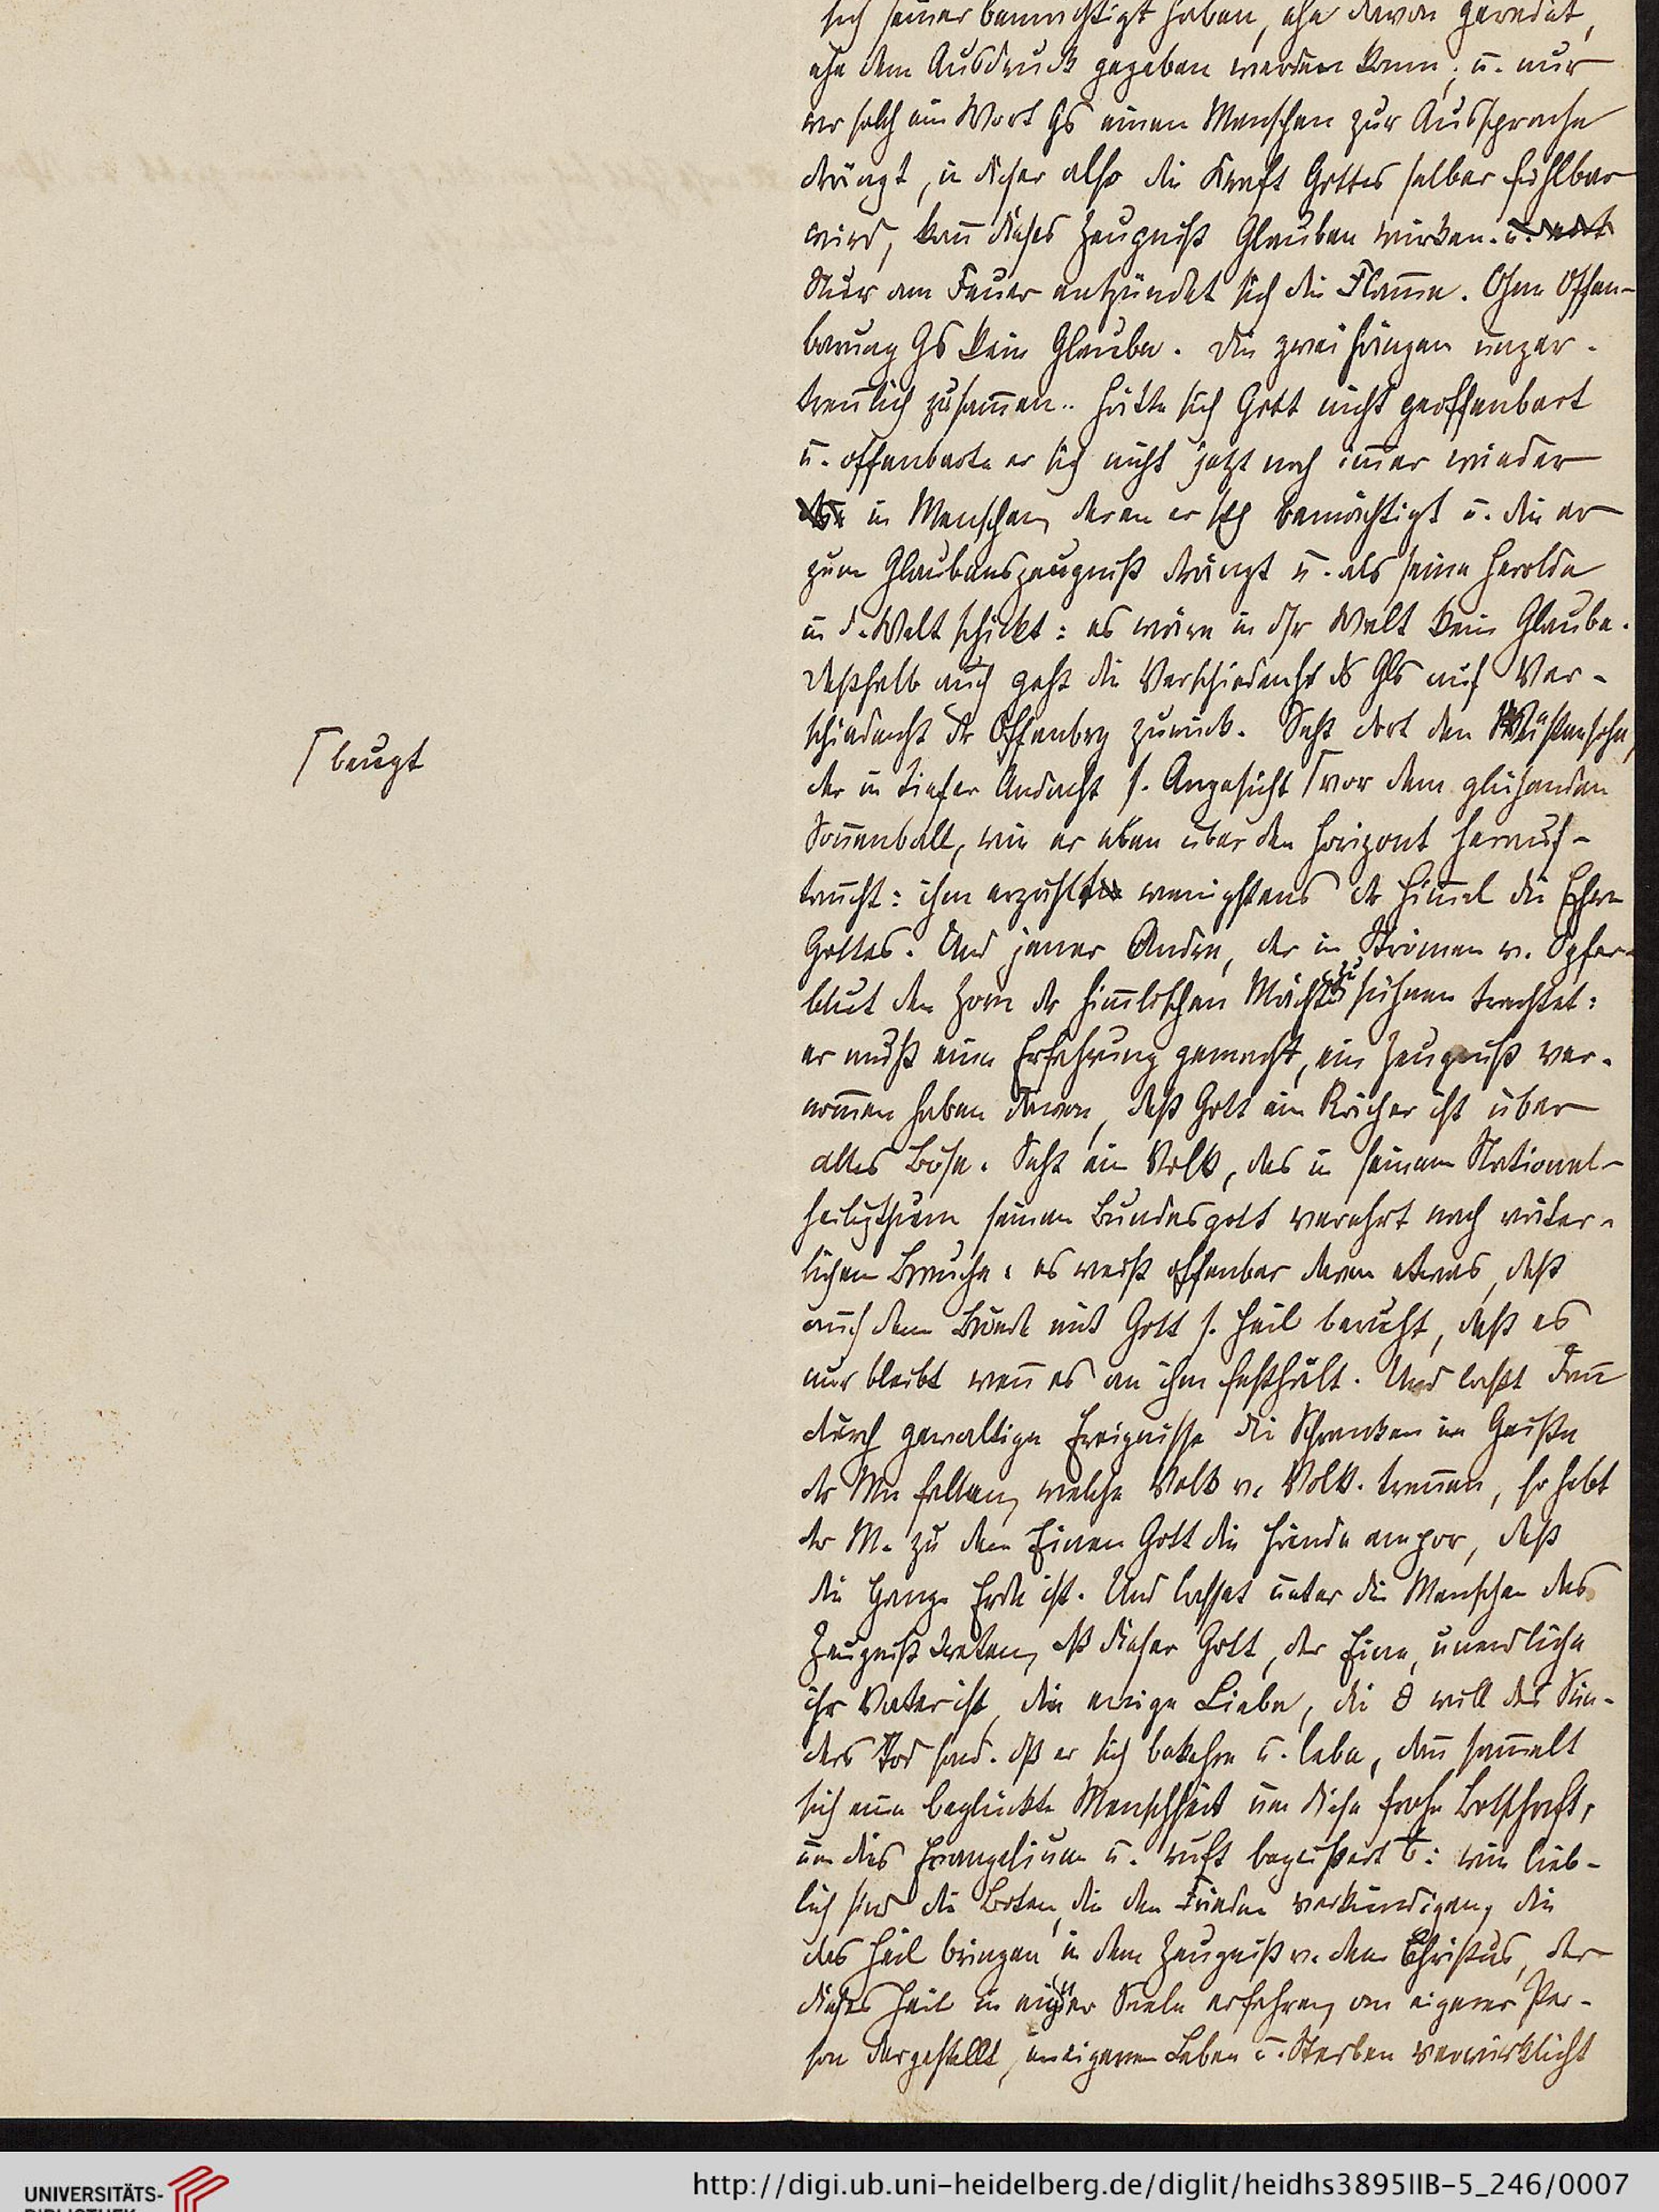[ beugt
sich seiner bemächtigt haben, ehe davon geredet,
ehe dem Ausdruck gegeben werden kann; u. nur
wo solch ein Wort Gs einen Menschen zur Aussprache
drängt, in dieser also die Kraft Gottes selber fühlbar
wird, kann dieses Zeugniß Glauben wirken. u. mit
Nur am Feuer entzündet sich die Flame. Ohen Offen¬
barung Gs kein Glaube. Die zwei hängen unzer¬
trenlich zusamen.. Hätte sich Gott nicht geoffenbart
u. offenbarte er sich nicht jetzt noch immer wieder
dan im Menschen, deren er sich bemächtigt u. die er
zum Glaubenszeugniß drängt u. als seine Herolde
in d. Welt schickt: es wäre in dsr Welt kein Glaube.
Deshalb auch geht die Verschiedenht ds. Gls. auf Ver¬
schiedenht dr Offenbrg zurück. Seht dort den Wüstensohn,
der in tiefer Andacht s. Angesicht [ vor dem glühenden
Sonenball, wie er eben über den Horizont herauf¬
taucht: ihm erzählte wenigstens dr Himel die Ehre
Gottes. Und jener Andre, der in Srömen v. Opfer¬
but den Zorn der himlischen Mächte zu sühnen trachtet:
er mußt eine Erfahrung gemacht, ein Zeugniß ver¬
nomen haben davon, das Gott ein Rächer ist über
alles Böse. Seht ein Volk, das in seinem National¬
heiligthum seinem Bundesgott verehrt nach väter¬
lichem Brauche: es weiß offenbar davon etwas, daß
auf dem Bund mit Gott s. Heil beruht, daß es
nur bleibt, wen es an ihm festhält. Und laßt dan
durch gewaltigen Ereigniss die Schranken im Geiste
der Mn fallen, welche Volk v. Volk. trennen, so hebt
der M. zu dem Einen Gott die Hände empor, daß
die Ganze Erde ist. Und lasset unter die Menschen das
Zeugnis treten, daß dieser Gott, der Eine, unendliche
ihr Vater ist, die ewige Liebe, die o will des Sün¬
ders Tod, sond. daß er sich bekehre u. lebe, dann sammelt
sich eine beglückte Menschheit um diese frohe Botschaft,
um dies Evangelium u. ruft begeistert s: wie lieb¬
lich sind die Boten, die den Frieden verkündigen, die
das Heil bringen in dem Zeugniß v. dem Christus, der
dieses Heil in einer Seele erfahren, an eigener Per¬
son dargestellt, irdigem Leben u. Sterben verwirklicht